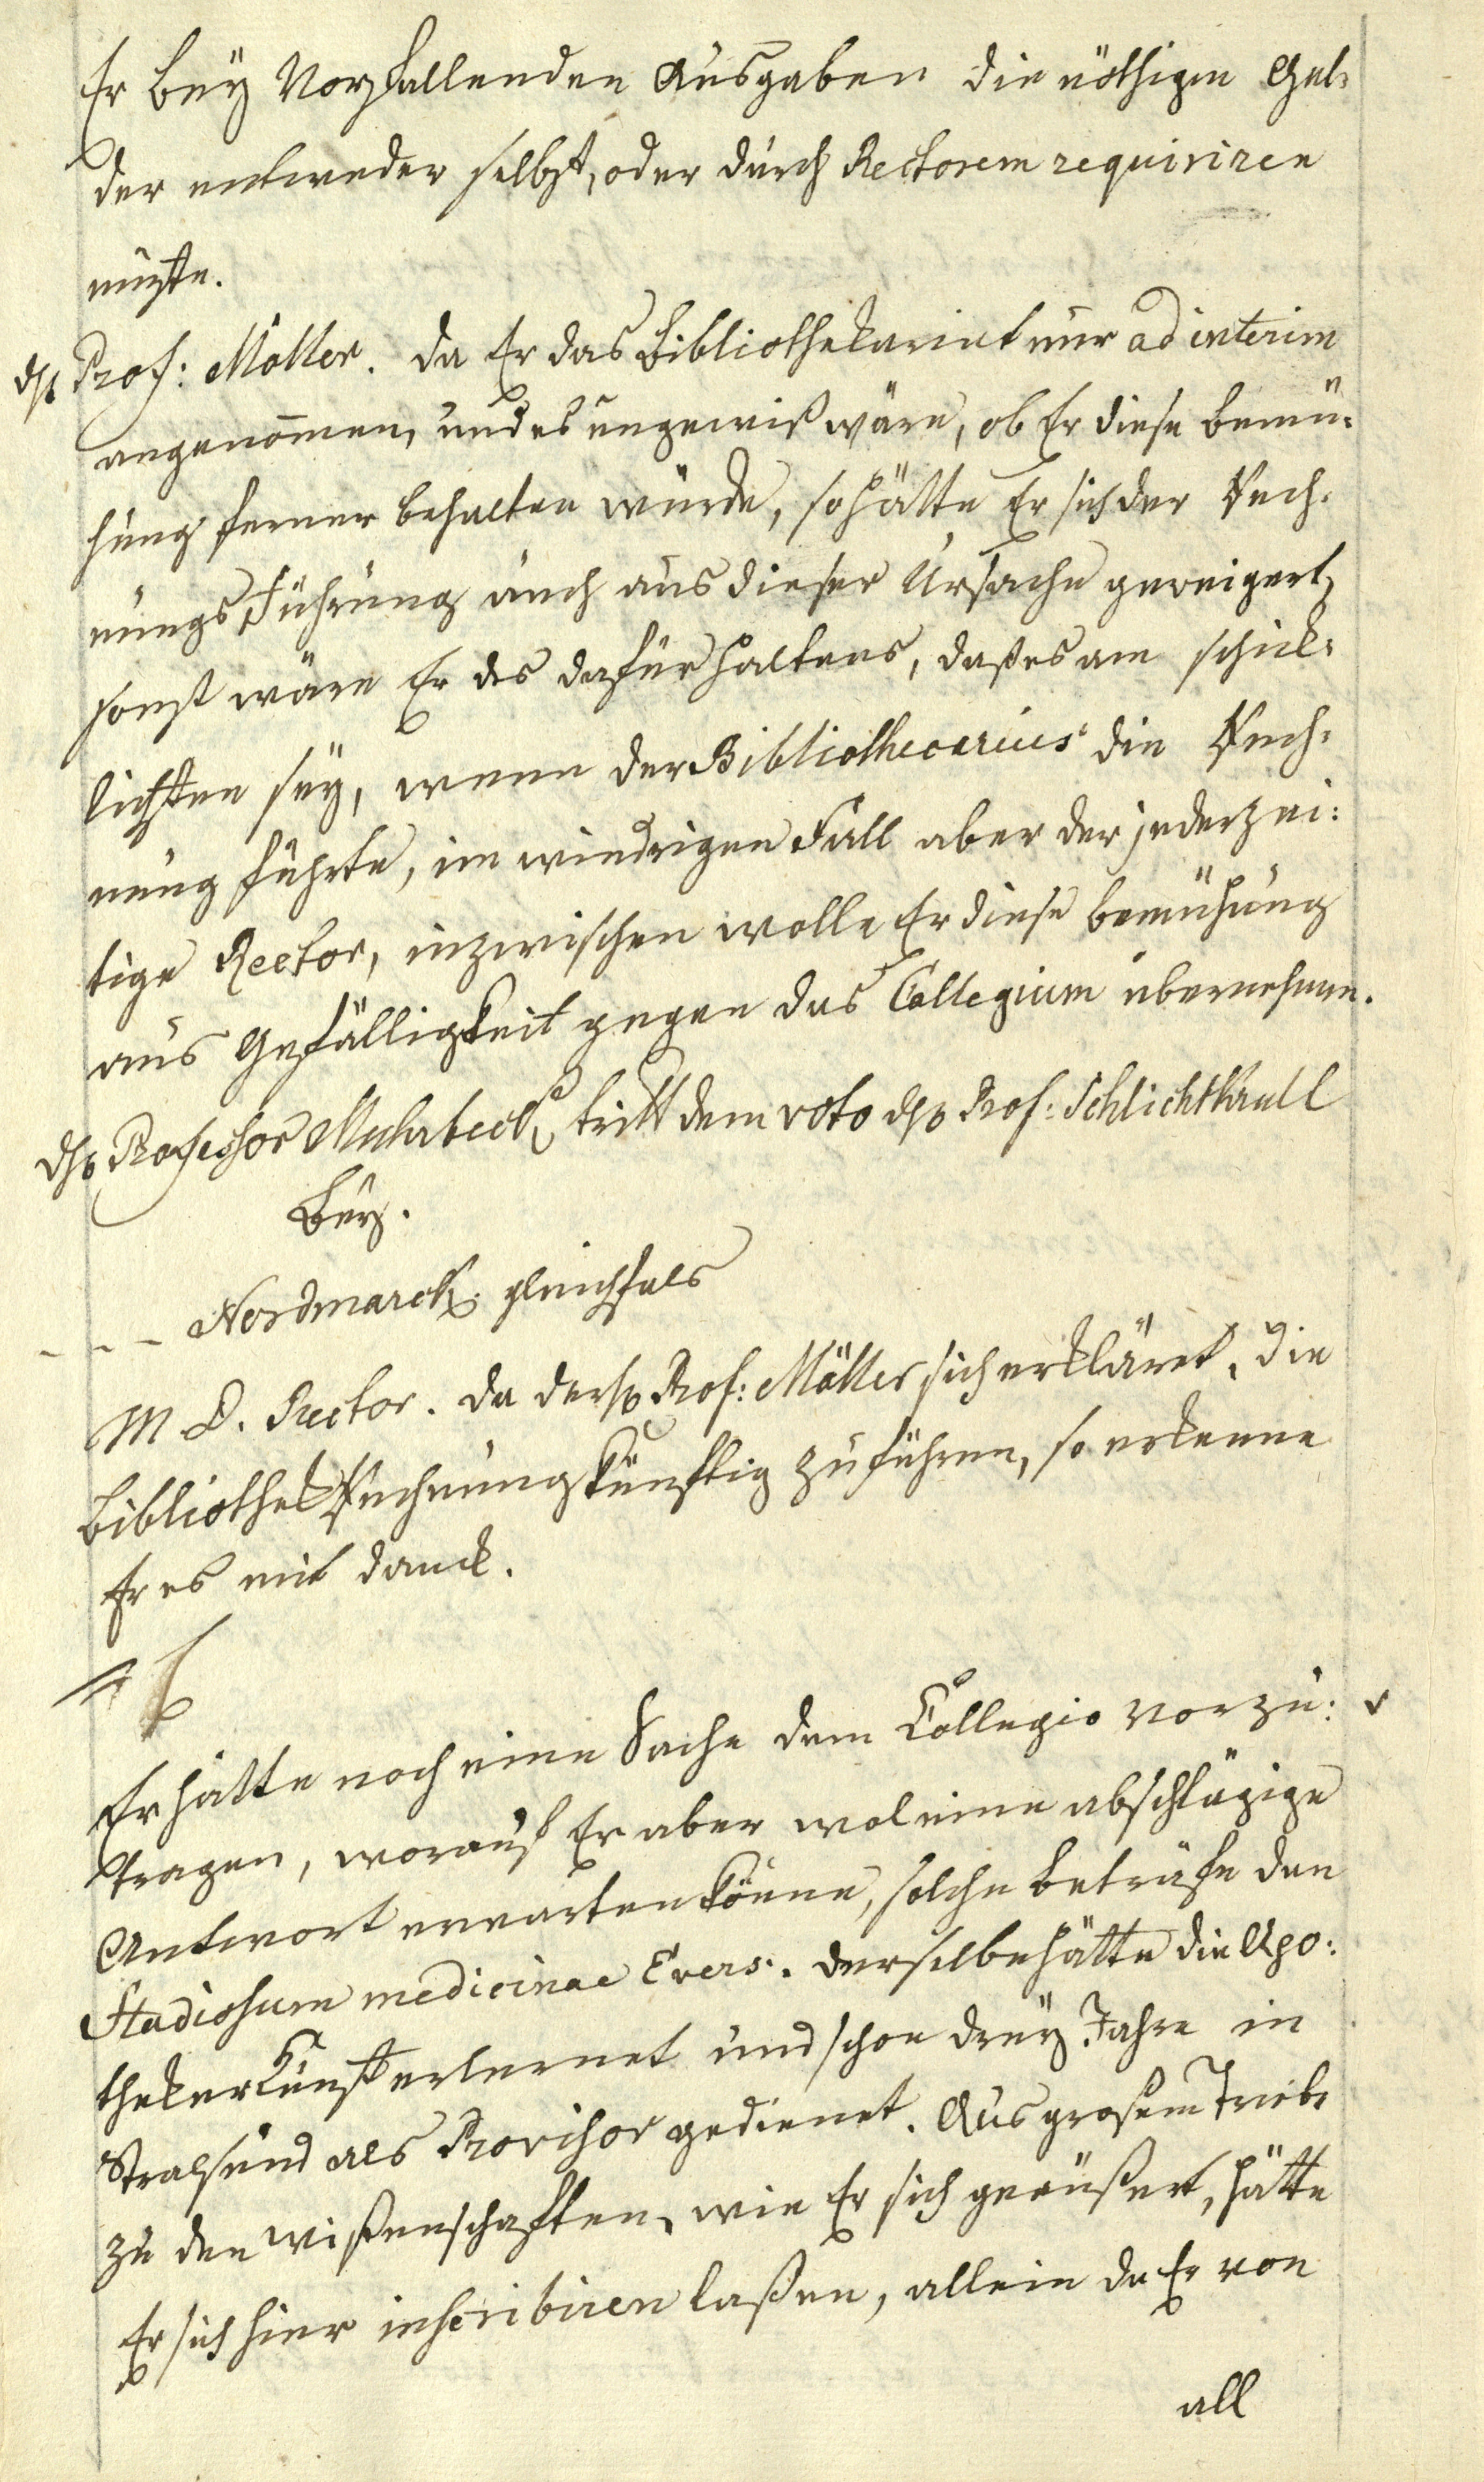Er beÿ vorfallenden Ausgaben die nöthigen Gel¬
der entweder selbst, oder durch Rectorem requiriren
müste.
dh Prof. Möller. Da Er das Bibliothekariat nur ad interim
angenomen, und es ungewiß wäre, ob Er diese Bemü¬
hung ferner behalten würde, so hätte Er sich der Rech¬
nungs Führung auch aus dieser Ursache geweigert,
sonst wäre Er des dafürhaltens, daß es am schick¬
lichsten seÿ, wenn der Bibliothecarius die Rech¬
nung führte, in wiedrigen Fall aber der jederzei¬
tige Rector, inzwischen wolle Er diese Bemühung
aus Gefälligkeit gegen das Collegium übernehmen.
dh Professor Muhrbeck, tritt dem voto dh Prof. Schlichtkrull
beÿ.
Nordmarck gleichfals
M. D. Rector. Da doch Prof. Möller sich erkläret, die
BibliothekRechnung künftig zu führen, so erkenne
Er es mit Danck.
6
Er hätte noch eine Sache dem Collegio vorzu¬
tragen, worauf Er aber wol eine abschlägige
Antwort erwarten könne, solche beträfe den
Studiosum medicinae Evers. Derselbe hätte die Apo¬
thekerKunst erlernet und schon dreÿ Jahre in
Stralsund als Provisor gedienet. Aus großem Triebe
zu den Wissenschaften, wie Er sich geäußert, hätte
Er sich hier inscribiren laßen, allein da Er von
all